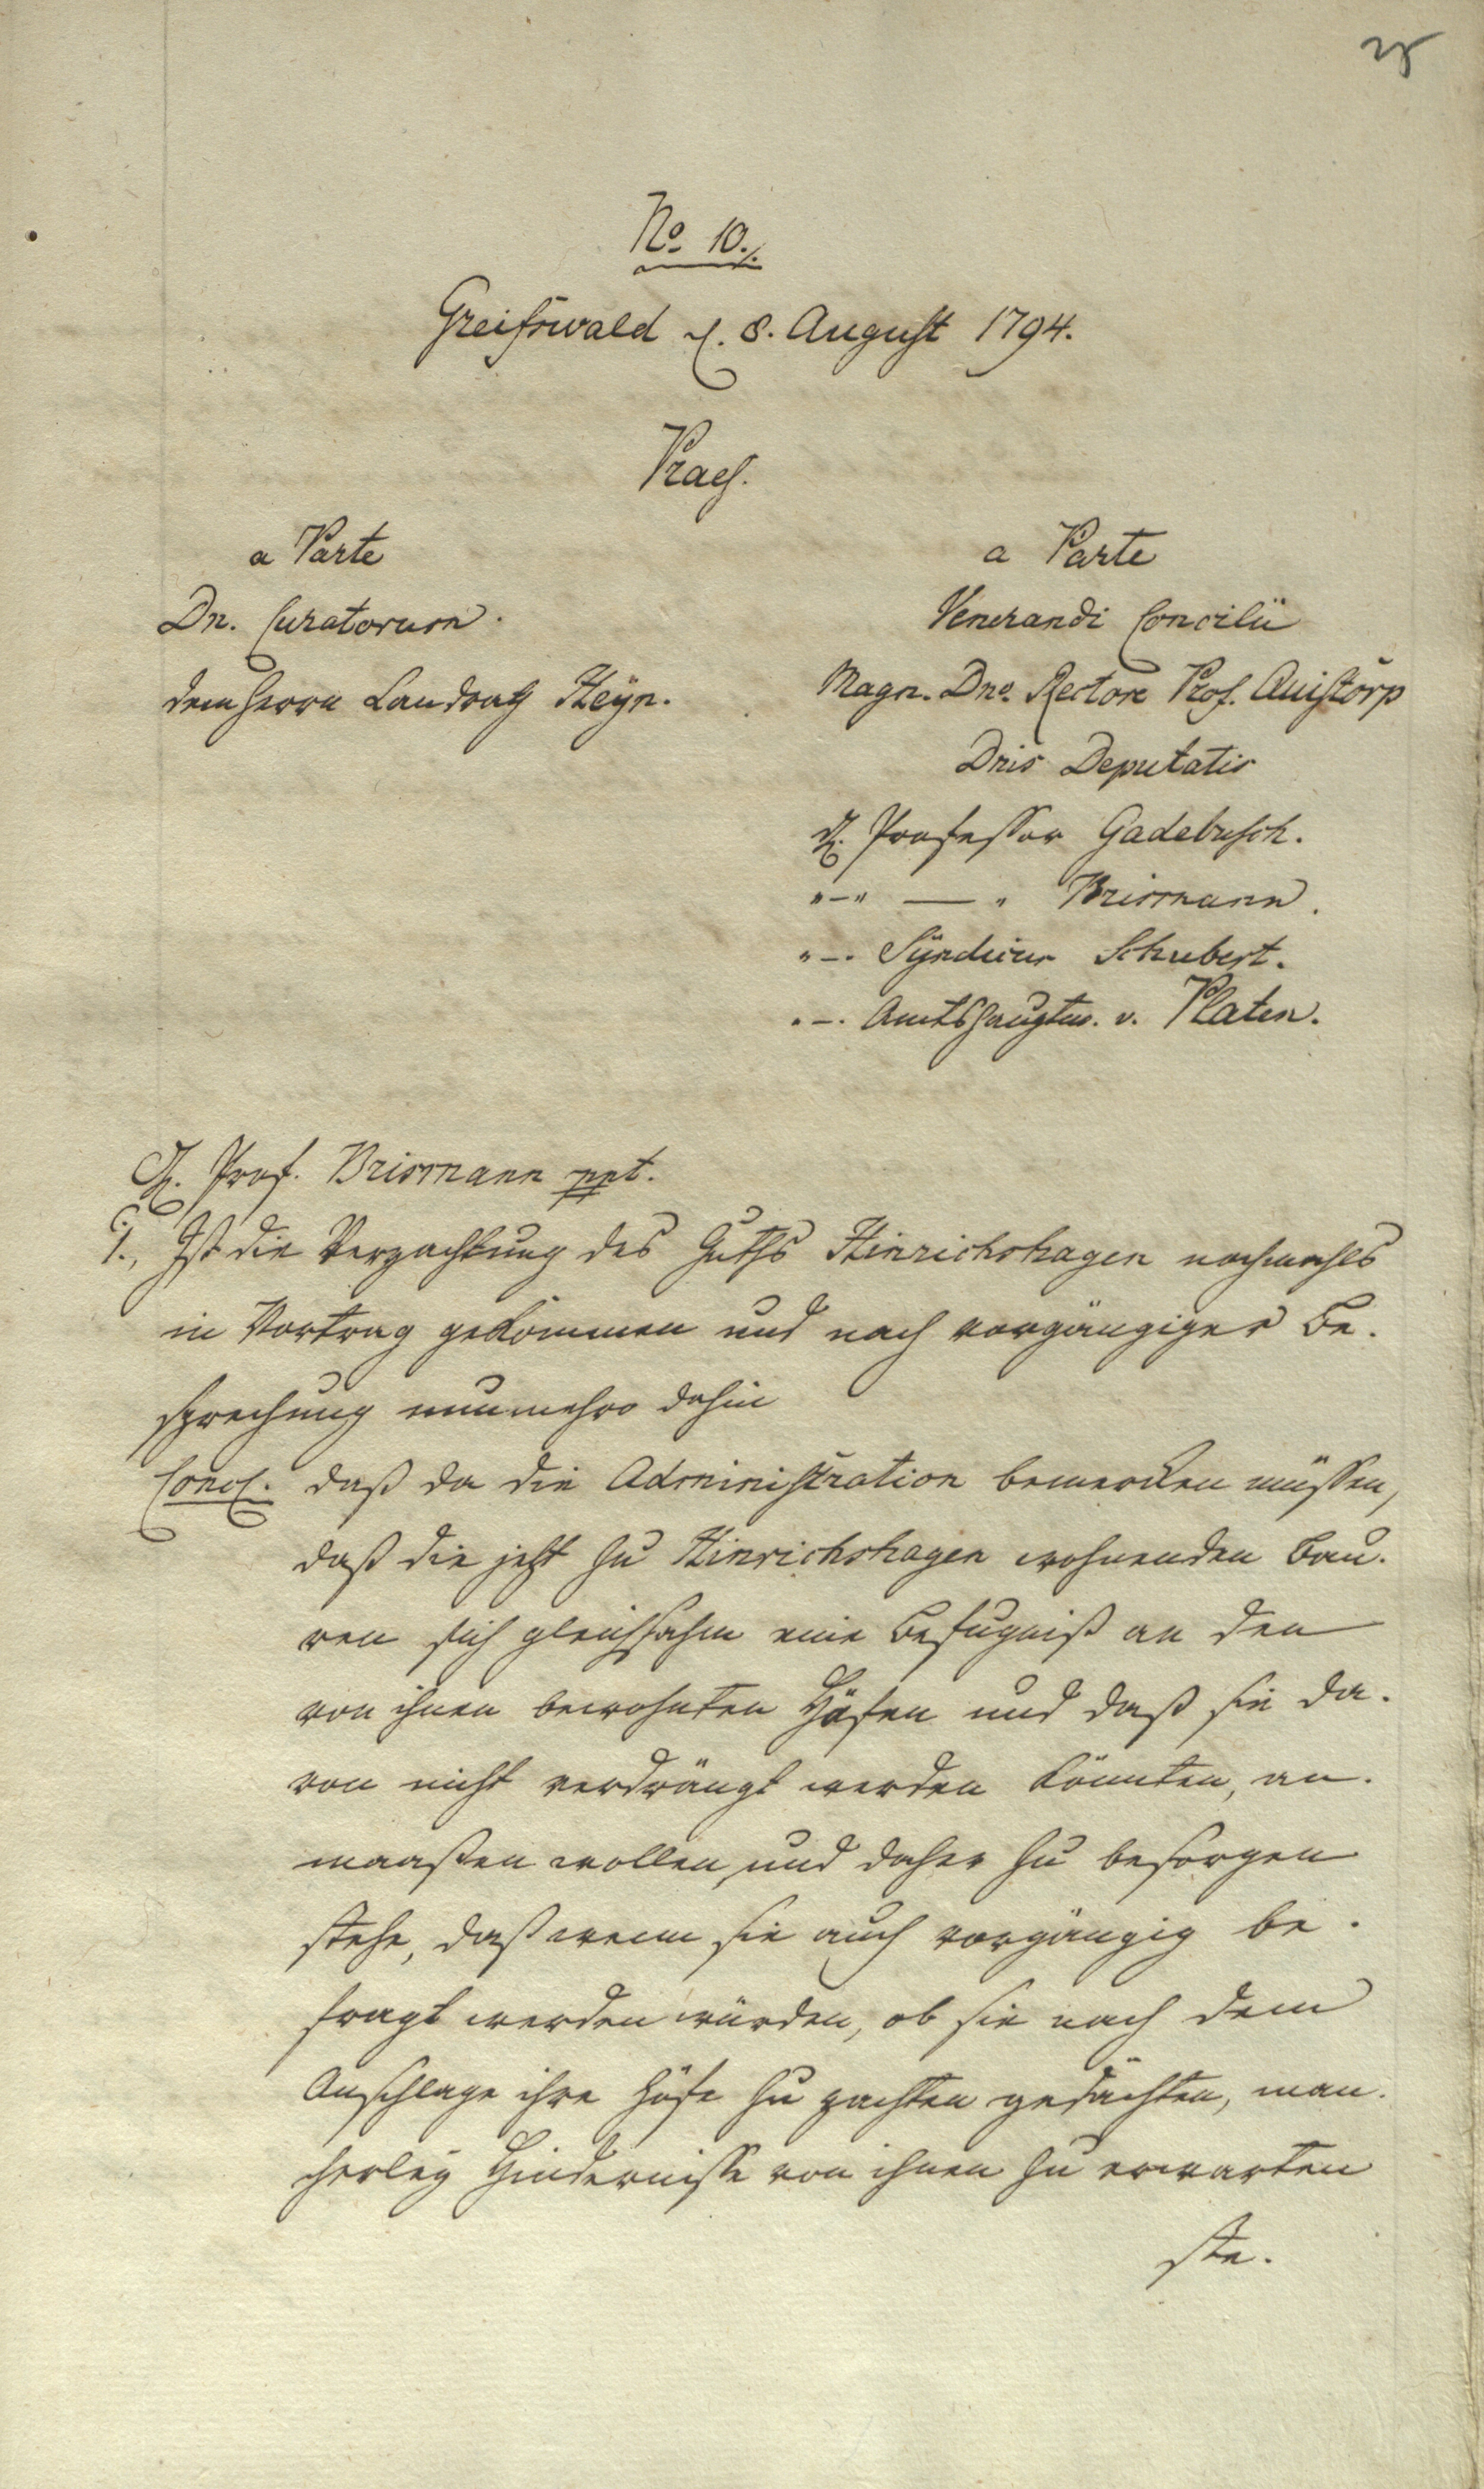No 10.
Greifswald d. 8. Angust 1794.
Praes.
a Parte a Parte
Dn. Curatorum. Venerandi Concilii
dem Herrn Landrath Heÿn. Magn. Dn. Rectore Prof. Quistorp
Dnis Deputatis
dh. Professor Gadebusch.
Brismann.
Sÿndicus Schubert.
Amtshauptm. v. Platen.
dh. Prof. Brismann ppt.
1., Ist die Verpachtung des Guths Hinrichshagen nochmahls
in Vortrag gekommen und nach vorgängiger Be¬
sprechung nunmehro dahin
Concl. daß da die Administration bemercken müssen,
daß die jetzt zu Hinrichshagen wohnenden Bau¬
ren sich gleichsahm eine Befugniß an den
von ihnen bewohnten Höfen und daß sie da¬
von nicht verdrängt werden könnten, an¬
maaßen wollen und daher zu besorgen
stehe, daß wenn sie auch vorgängig be¬
fragt werden würden, ob sie nach dem
Anschlage ihre Höfe zu pachten gedächten, man¬
cherleÿ Hindernisse von ihnen zu erwarten
ste¬